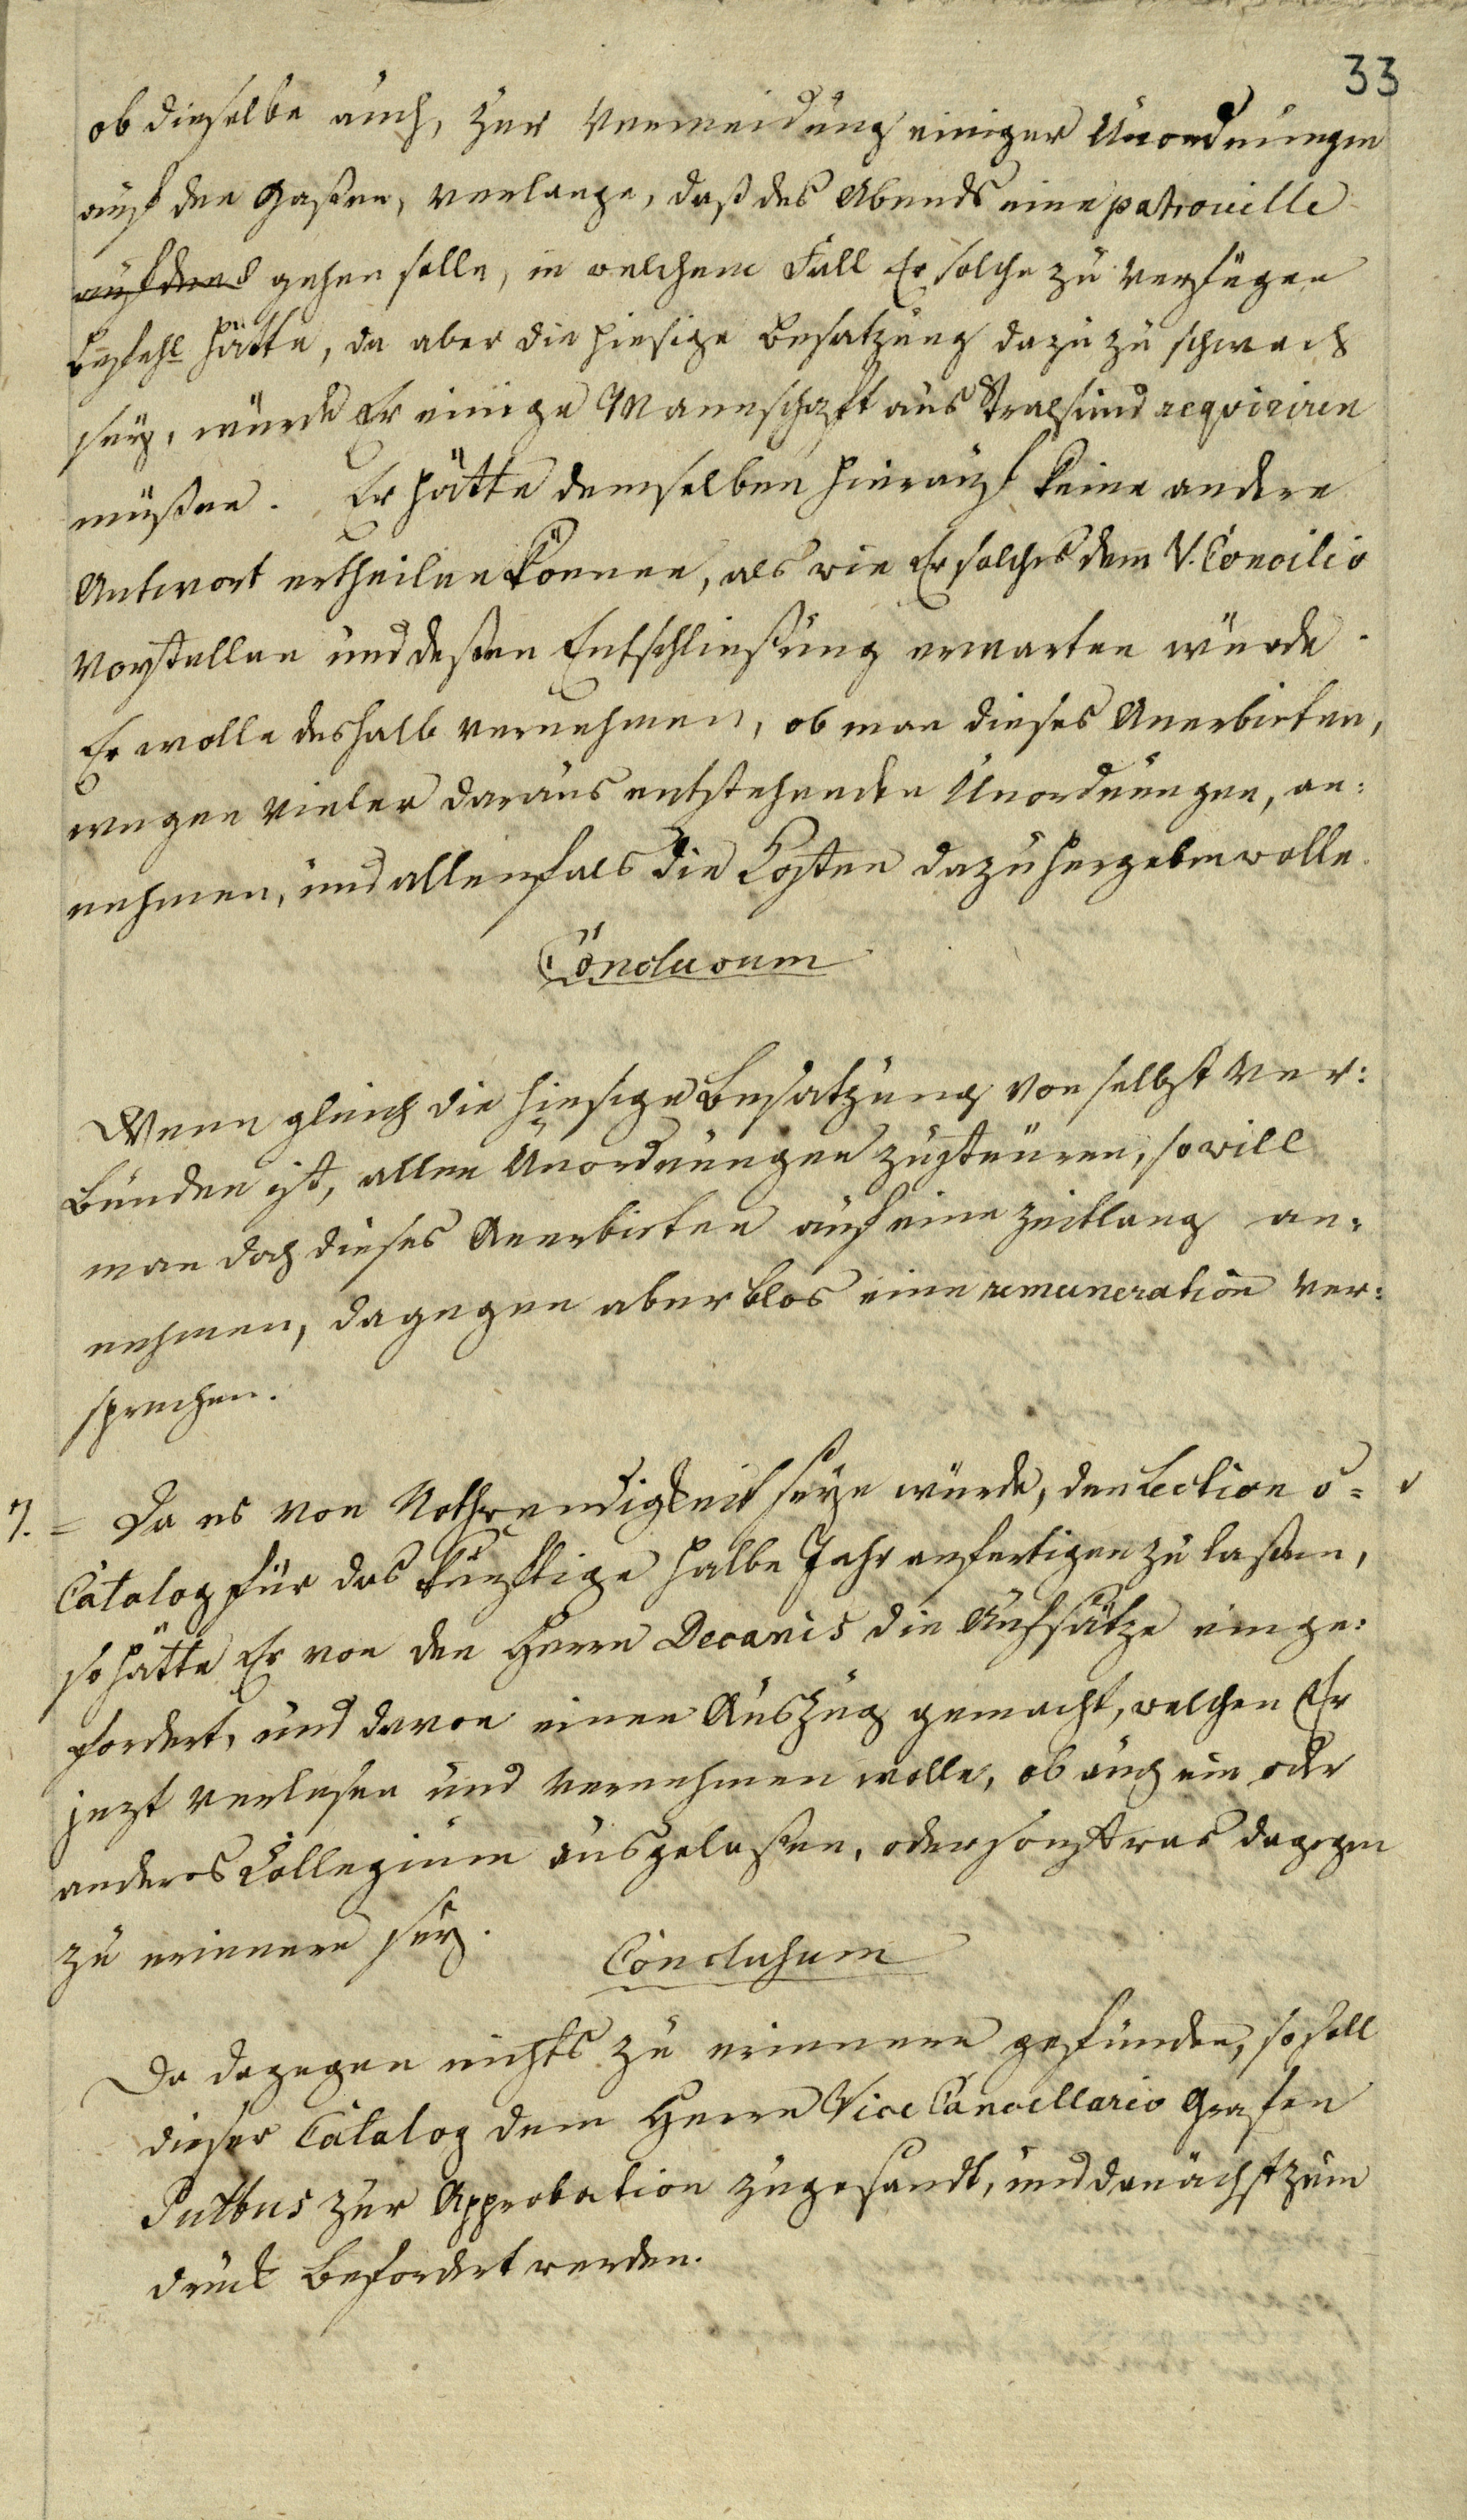ob dieselbe auch, zur Vermeidung einiger Unordnungen
auf den Gaßen, verlange, daß des Abends eine patrouille
auf dem gehen solle, in welchem Fall Er solche zu verfügen
Befehl hätte, da aber die hiesige Besatzung dazu zu schwach
seÿ, würde Er einige Mannschaft aus Stralsund requiriren
müßen. Er hätte demselben hierauf keine andere
Antwort ertheilen können, als wie Er solches dem V. Concilio
vorstellen und deßen Entschließung erwarten würde.
Er wolle deshalb vernehmen, ob man dieses Anerbieten,
wegen vieler daraus entstehender Unordnungen, an¬
nehmen, und allenfals die Kosten dazu hergeben wolle.
Conclusum
Wenn gleich die hiesige Besatzung von selbst ver¬
bunden ist, allen Unordnungen zusteuren, so will
man doch dieses Anerbieten auf eine zeitlang an¬
nehmen, dagegen aber blos eine remuneration ver¬
sprechen.
7. Da es von Nothwendigkeit seÿn würde, den Lections-
Catalog für das künftige halbe Jahr anfertigen zu laßen,
so hätte Er von den Herrn Decanis die Aufsätze einge¬
fordert, und davon einen Auszug gemacht, welchen Er
jezt verlesen und vernehmen wolle, ob auch ein oder
anderes Collegium ausgelaßen, oder sonst was dagegen
zu erinnern seÿ.
Conclusum
Da dagegen nichts zu erinnern gefunden, so soll
dieser Catalog dem Herrn Vice Cancellario Grafen
Putbus zur Approbation zugesandt, und danächstzum
Druck befördert werden.